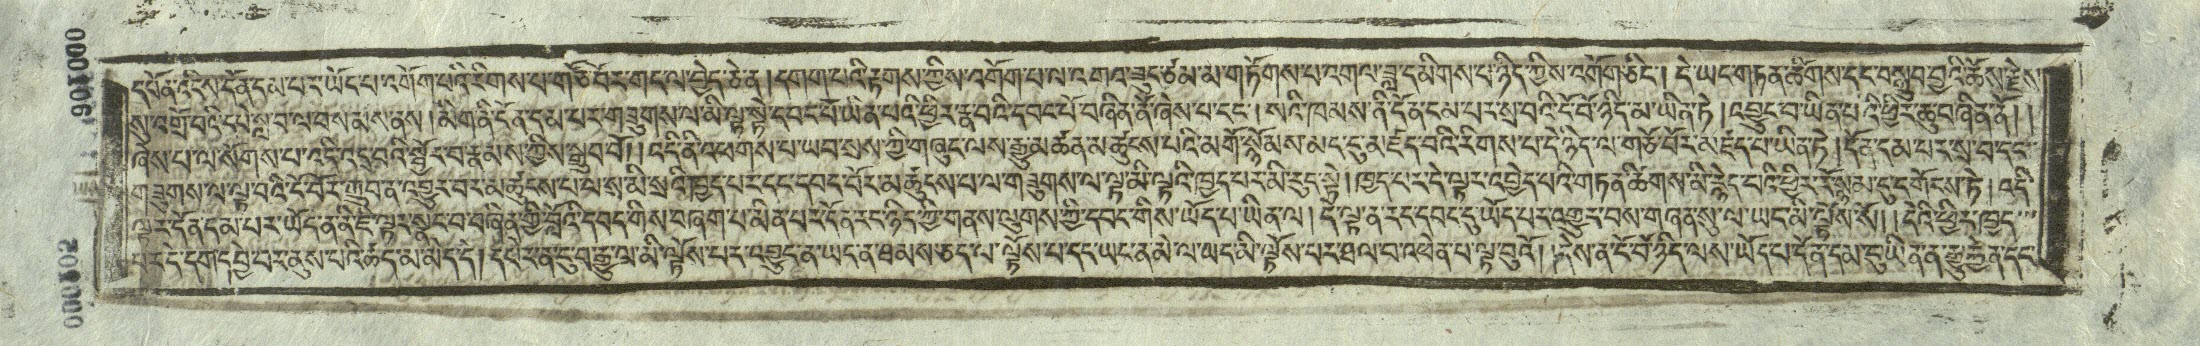དཔོན་འདིས་དོན་དམ་པར་ཡོད་པ་འགོག་པའི་རིགས་པ་གཙོ་བོར་གང་ལ་བྱེད་ཅེན། དགག་པའི་རྟགས་ཀྱིས་འགོག་པ་ལ་འགའ་ཟུང་ཙམ་མ་གཏོགས་པ་འགལ་ཟླ་དམིགས་པ་ཉིད་ཀྱིས་འགོག་ཅིང་། དེ་ཡང་གཏན་ཚིགས་དང་བསྒྲུབ་བྱའི་ཆོས་རྗེས་
སུ་འགྲོ་བའི་དཔེ་སླ་བ་ལ་བསམས་ནས། མིག་ནི་དོན་དམ་པར་གཟུགས་ལ་མི་ལྟ་སྟེ་དབང་པོ་ཡིན་པའི་ཕྱིར་རྣ་བའི་དབང་པོ་བཞིན་ནོ་ཞེས་པ་དང་། སའི་ཁམས་ནི་དོན་དམ་པར་སྲ་བའི་ངོ་བོ་ཉིད་མ་ཡིན་ཏེ། འབྱུང་བ་ཡིན་པའི་ཕྱིར་ཆུ་བཞིན་ནོ། །
ཞེས་པ་ལ་སོགས་པ་འདི་འདྲ་བའི་སྦྱོར་བ་རྣམས་ཀྱིས་སྒྲུབ་བོ། །འདི་ནི་འཕགས་པ་ཡབ་སྲས་ཀྱི་གཞུང་ལས་རྒྱུ་མཚན་མཚུངས་པའི་མགོ་སྙོམས་མང་དུ་མཛད་པའི་རིགས་པ་དེ་ཉིད་ལ་གཙོ་བོར་མཛད་པ་ཡིན་ཏེ། དོན་དམ་པར་སྲ་བ་དང་
གཟུགས་ལ་ལྟ་བའི་ངོ་བོར་གྲུབ་ན་འབྱུང་བར་མཚུངས་པ་ལ་སྲ་མི་སྲའི་ཁྱད་པར་དང་དབང་པོར་མཚུངས་པ་ལ་གཟུགས་ལ་ལྟ་མི་ལྟའི་ཁྱད་པར་མི་རུང་སྟེ། ཁྱད་པར་དེ་ལྟར་འབྱེད་པའི་གཏན་ཚིགས་མི་རྙེད་པའི་ཕྱིར་རོ་སྙམ་དུ་དགོངས་ཏེ། འདི་
ལྟར་དོན་དམ་པར་ཡོད་ན་ནི་ཇི་ལྟར་སྣང་བ་བཞིན་གྱི་བློའི་དབང་གིས་བཞག་པ་མིན་པར་དོན་རང་ཉིད་ཀྱི་གནས་ལུགས་ཀྱི་དབང་གིས་ཡོད་པ་ཡིན་ལ། དེ་ལྟ་ན་རང་དབང་དུ་ཡོད་པར་འགྱུར་བས་གཞན་སུ་ལ་ཡང་མི་ལྟོས་སོ། །དེའི་ཕྱིར་ཁྱད་
པར་དེ་དག་དབྱེ་བར་ནུས་པའི་ཚད་མ་མེད་དེ། དཔེར་ན་དུ་བ་རྒྱུ་ལ་མི་ལྟོས་པར་འབྱུང་ན་ཡང་ན་ཐམས་ཅད་ལ་ལྟོས་པ་དང་ཡང་ན་མེ་ལ་ཡང་མི་ལྟོས་པར་ཐལ་བ་འཕེན་པ་ལྟ་བུའོ། །དེས་ན་ངོ་བོ་ཉིད་ལས་ཡོད་པ་དོན་དམ་དུ་ཡིན་ན་རྒྱུ་རྐྱེན་དང་